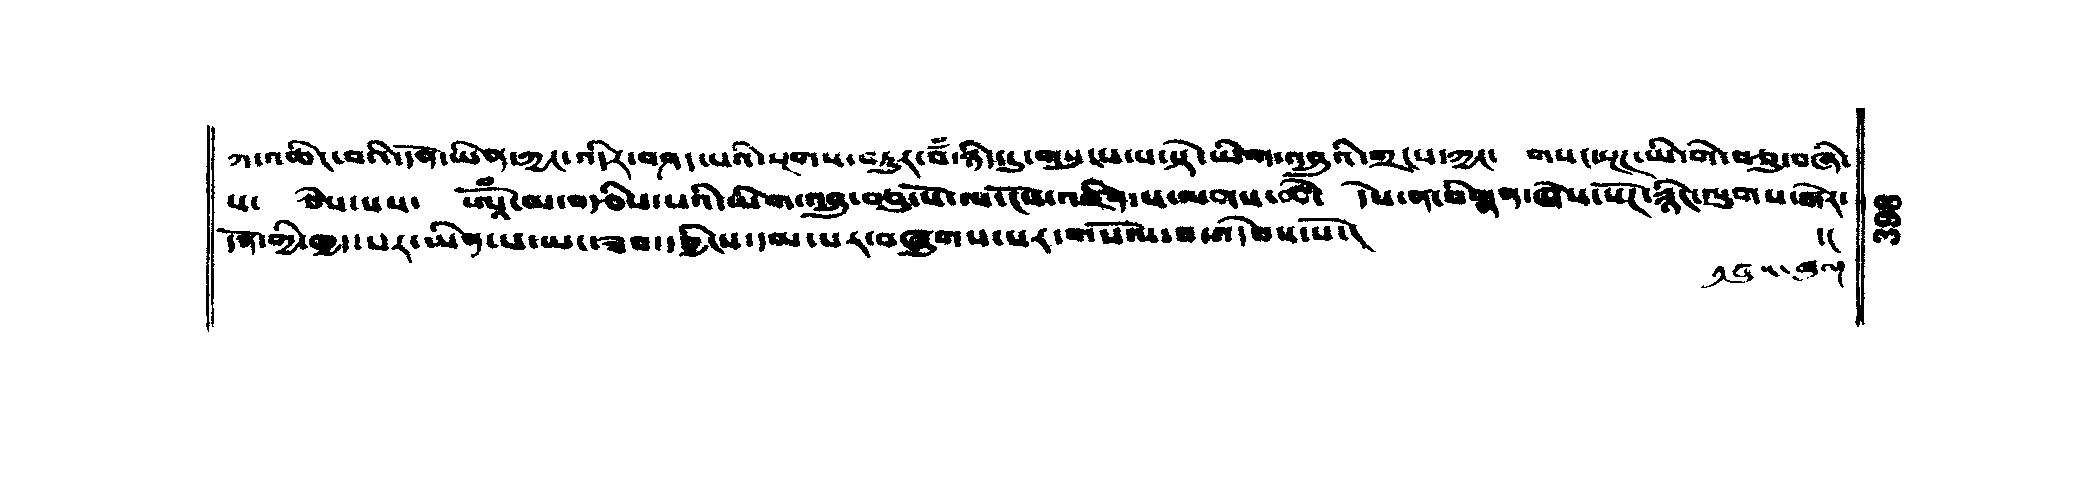ཀ་འཆིང་བའི་དོན་ཡིན་ཀྱང་འདིར་བཤད་པའི་སྔགས་བཏུར་བྂ་ཉིད་དུ་གསུངས་པ་སྟེ་ཡིག་འབྲུའི་གྲངས་ཀྱང་། གསང་སྔགས་ཡི་གེ་བཅུ་བཞི་
པ་ཅེས་པས། ཨོྂ་མ་རྩིས་པའི་ཡིག་འབྲུ་བཅུ་པོ་ལ་ངོས་འཛིན་པ་ལགས་ཚེ། དེས་ན་བིགྷྣ་ཞེས་སོགས་རྙིང་ལུགས་སྒེར་
དོན་གྱི་ཁྱད་པར་ཡིན་པ་ཡང་ཟབ་དབྱིངས་དམ་པར་བཞུགས་པར་གསོལ་བ་འདེབས་སོ།